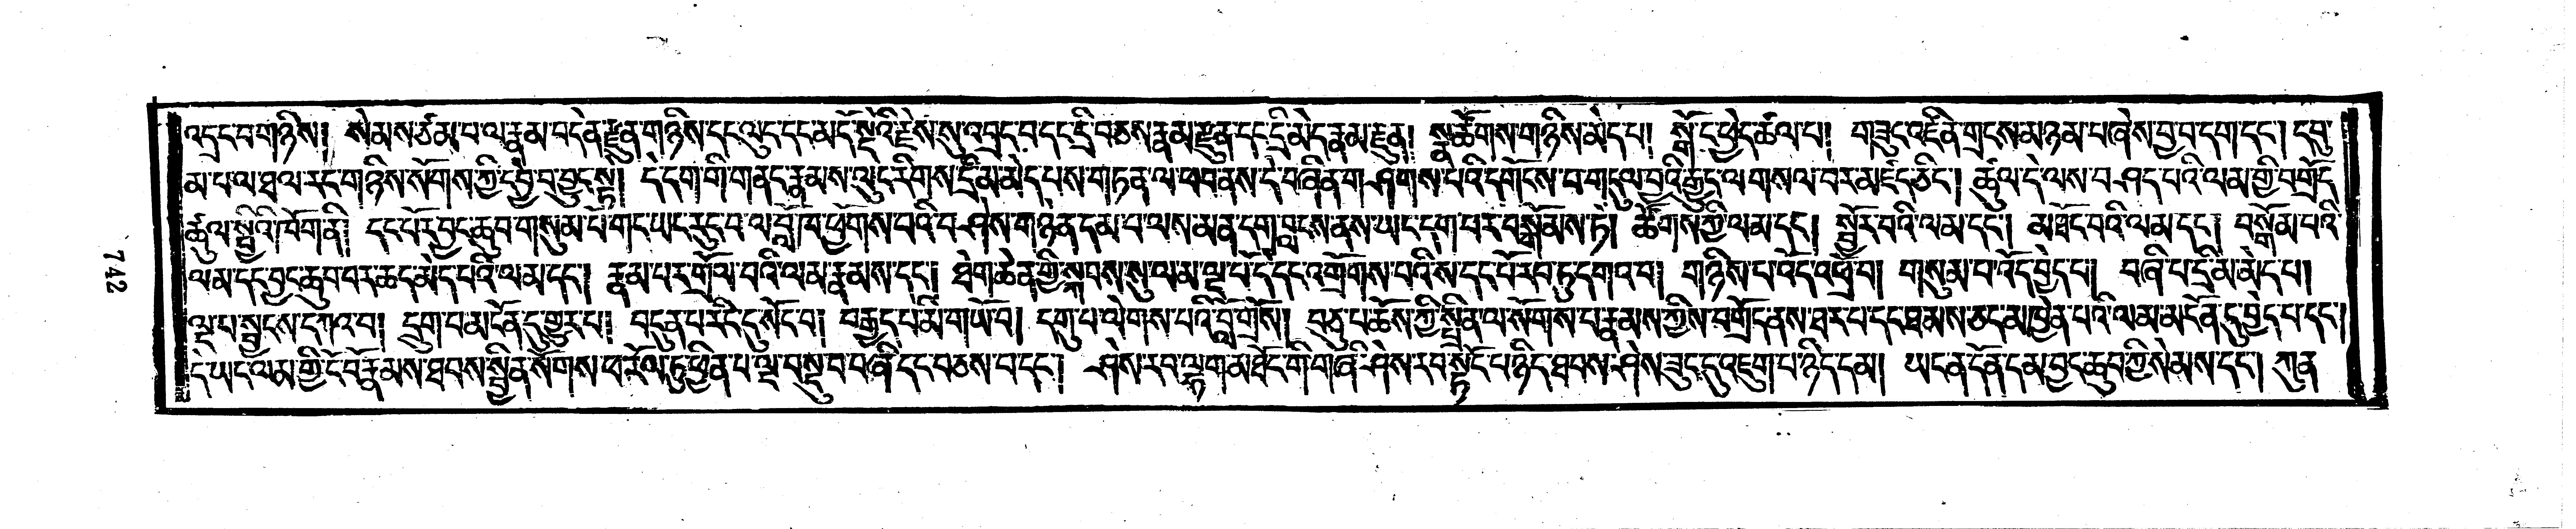འདྲང་བ་གཉིས། སེམས་ཙམ་པ་ལ་རྣམ་བདེན་རྫུན་གཉིས་དང་ལུང་དང་མདོ་སྡེའི་རྗེས་སུ་འབྲང་བ་དང་དྲི་བཅས་རྣམ་རྫུན་དང་དྲི་མེད་རྣམ་རྫུན། སྣ་ཚོགས་གཉིས་མེད་པ། སྒོ་ང་ཕྱེད་ཚལ་པ། གཟུང་འཛིན་གྲངས་མཉམ་པ་ཞེས་བྱ་བ་དག་དང་། དབུ་
མ་པ་ལ་ཐལ་རང་གཉིས་སོགས་ཀྱི་དབྱེ་བ་བྱུང་སྟེ། དེ་དག་གི་གནང་རྣམས་ལུང་རིགས་དྲི་མ་མེད་པས་གཏན་ལ་ཕབ་ནས་དེ་བཞིན་གཤགས་པའི་དགོངས་པ་གདུལ་བྱའི་རྒྱུད་ལ་གསལ་བར་མཛད་ཅིང་། ཚུལ་དེ་ལས་བཤད་པའི་ལམ་གྱི་བགྲོད་
ཚུལ་སྦྱིའི་ཁོག་ནི། དང་པོར་བྱང་ཆུབ་གསུམ་པོ་གང་ཡང་རུང་བ་ལ་བློ་ཁ་ཕྱོགས་པའི་བཤེས་གཉེན་དམ་པ་ལས་མན་དག་བླངས་ནས་ཡང་དག་པར་བསྒོམས་ཏེ། ཚོགས་ཀྱི་ལམ་དང་། སྦྱོར་བའི་ལམ་དང་། མཐོང་བའི་ལམ་དང་། བསྒོམ་པའི་
ལམ་དང་བྱང་ཆུབ་བར་ཆད་མེད་པའི་ལམ་དང་། རྣམ་པར་གྲོལ་བའི་ལམ་རྣམས་དང་། ཐེག་ཆེན་གྱི་སྐབས་སུ་ལ་མ་ལྔ་པོ་དེ་དང་འགྲོགས་པའི་ས་དང་པོ་རབ་ཏུ་དགའ་བ། གཉིས་པ་འོད་འཕྲོ་བ། གསུམ་པ་འོད་བྱེད་པ། བཞི་པ་དྲི་མ་མེད་པ།
ལྔ་པ་སྦྱངས་དཀའ་བ། དྲུག་པ་མངོན་དུ་གྱུར་པ། བདུན་པ་རིང་དུ་སོང་བ། བརྒྱད་པ་མི་གཡོ་བ། དགུ་པ་ལེགས་པའི་བློ་གྲོས། བཅུ་པ་ཆོས་ཀྱི་སྤྲིན་ལ་སོགས་པ་རྣམས་ཀྱིས་བགྲོད་ནས་ཐར་པ་དང་ཐམས་ཅད་མཁྱེན་པའི་ལམ་མངོན་དུ་བྱེད་པ་དང་།
དེ་ཡང་ལམ་གྱི་ངོ་བོ་རྣམས་ཐབས་སྦྱིན་སོགས་ཕ་རོལ་ཏུ་ཕྱིན་པ་ལྔ་བསྡུ་བ་བཞི་དང་བཅས་པ་དང་། ཤེས་རབ་ལྷག་མཐོང་གི་གཞི་ཤེས་རབ་སྟོང་པ་ཉིད་ཐབས་ཤེས་ཟུང་དུ་འཇུག་པ་ཉིད་དམ། ཡང་ན་དོན་དམ་བྱང་ཆུབ་ཀྱི་སེམས་དང་། ཀུན་